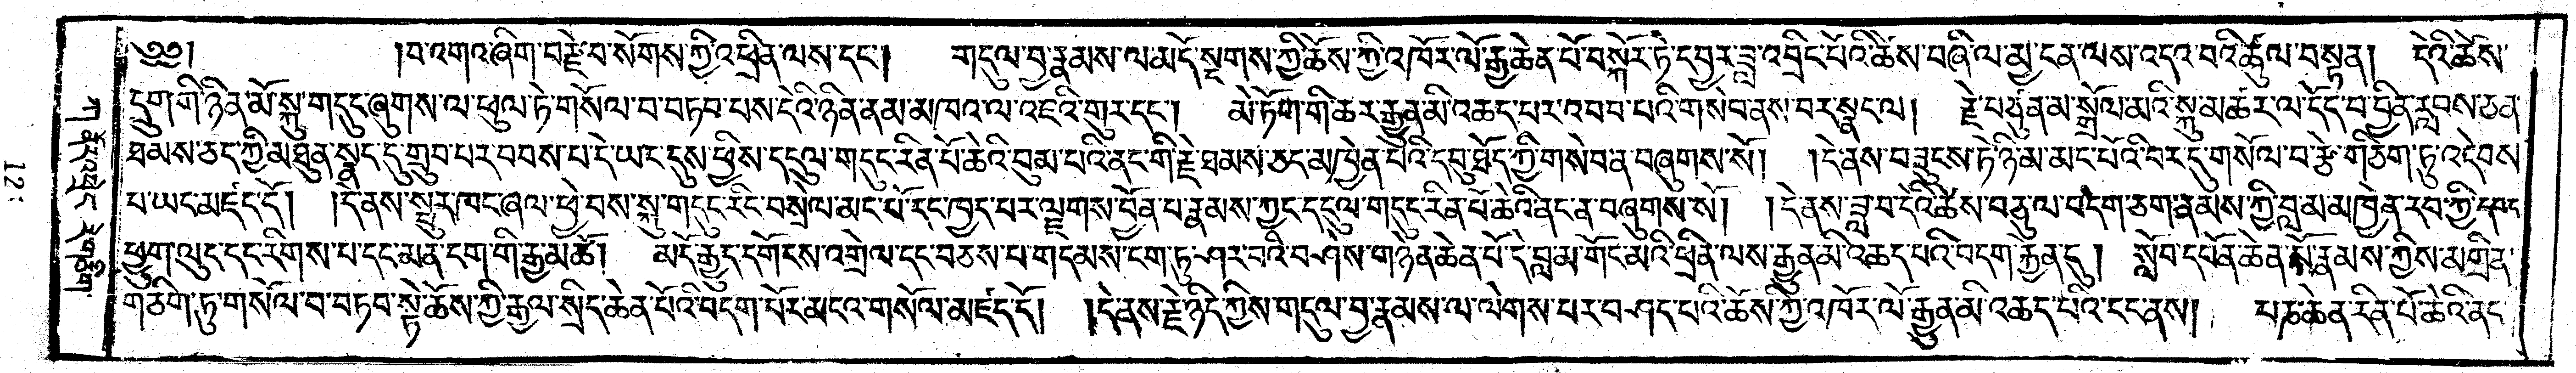༄༅། །བ་འགའ་ཞིག་བརྫེ་བ་སོགས་ཀྱི་འཕྲིན་ལས་དང་། གདུལ་བྱ་རྣམས་ལ་མདོ་སྔགས་ཀྱི་ཆོས་ཀྱི་འཁོར་ལོ་རྒྱ་ཆེན་པོ་བསྐོར་ཏེ་དབྱར་ཟླ་འབྲིང་པོའི་ཚེས་བཞི་ལ་མྱ་ངན་ལས་འདའ་བའི་ཚུལ་བསྟན། དེའི་ཚེས་
དྲུག་གི་ཉིན་མོ་སྐུ་གདུང་ཞུགས་ལ་ཕུལ་ཏེ་གསོལ་བ་བཏབ་པས་དེའི་ཉིན་ནམ་མཁའ་ལ་འཇའི་གུར་དང་། མེ་ཏོག་གི་ཆར་རྒྱུན་མི་འཆད་པར་འབབ་པའི་གསེབ་ནས་བར་སྣང་ལ། རྗེ་བཙུན་མ་སྒྲོལ་མའི་སྐུ་མཚར་ལ་དོད་པ་བྱིན་རླབས་ཅན་
ཐམས་ཅད་ཀྱི་མཐུན་སྣང་དུ་གྲུབ་པར་བབས་པ་དེ་ཡང་དུས་ཕྱིས་དངུལ་གདུང་རིན་པོ་ཆེའི་བུམ་པའི་ནང་གི་རྗེ་ཐམས་ཅད་མཁྱེན་པའི་དབུ་ཐོད་ཀྱི་གསེབ་ན་བཞུགས་སོ། །དེ་ནས་བཟུངས་ཏེ་ཉི་མ་མང་པོའི་བར་དུ་གསོལ་བ་རྩེ་གཅིག་ཏུ་འདེབས་
པ་ཡང་མཛད་དོ། །དེ་ནས་སྦུར་ཁང་ཞལ་ཕྱེ་བས་སྐུ་གདུང་རིང་བསྲེལ་མང་པོ་དང་ཁྱད་པར་ལྗགས་བྱོན་པ་རྣམས་ཀྱང་དངུལ་གདུང་རིན་པོ་ཆེའི་ནང་ན་བཞུགས་སོ། །དེ་ནས་ཟླ་བ་དེའི་ཚེས་བཅུ་ལ་བདག་ཅག་ནམས་ཀྱི་བླ་མ་མཁེན་རབ་ཀྱི་དབང་
ཕྱུག་ལུང་དང་རིགས་པ་དང་མན་ངག་གི་རྒྱ་མཚོ། མདོ་རྒྱུད་དགོངས་འགྲེལ་དང་བཅས་པ་གདམས་ངག་ཏུ་ཤར་བའི་བཤེས་གཉེན་ཆེན་པོ་དེ་བླ་མ་གོང་མའི་ཕྲིན་ལས་རྒྱུན་མི་འཆད་པའི་བདག་རྐྱེན་དུ། སློབ་དཔོན་ཆེན་མོ་རྣམས་ཀྱིས་མགྲིན་
གཅིག་ཏུ་གསོལ་བ་བཏབ་སྟེ་ཆོས་ཀྱི་རྒྱལ་སྲིད་ཆེན་པོའི་བདག་པོར་མངའ་གསོལ་མཛད་དོ། །དེ་ནས་རྗེ་ཉིད་ཀྱིས་གདུལ་བྱ་རྣམས་ལ་ལེགས་པར་བཤད་པའི་ཆོས་ཀྱི་འཁོར་ལོ་རྒྱུན་མི་འཆད་པའི་ངང་ནས། པཎ་ཆེན་རིན་པོ་ཆེའི་ནང་